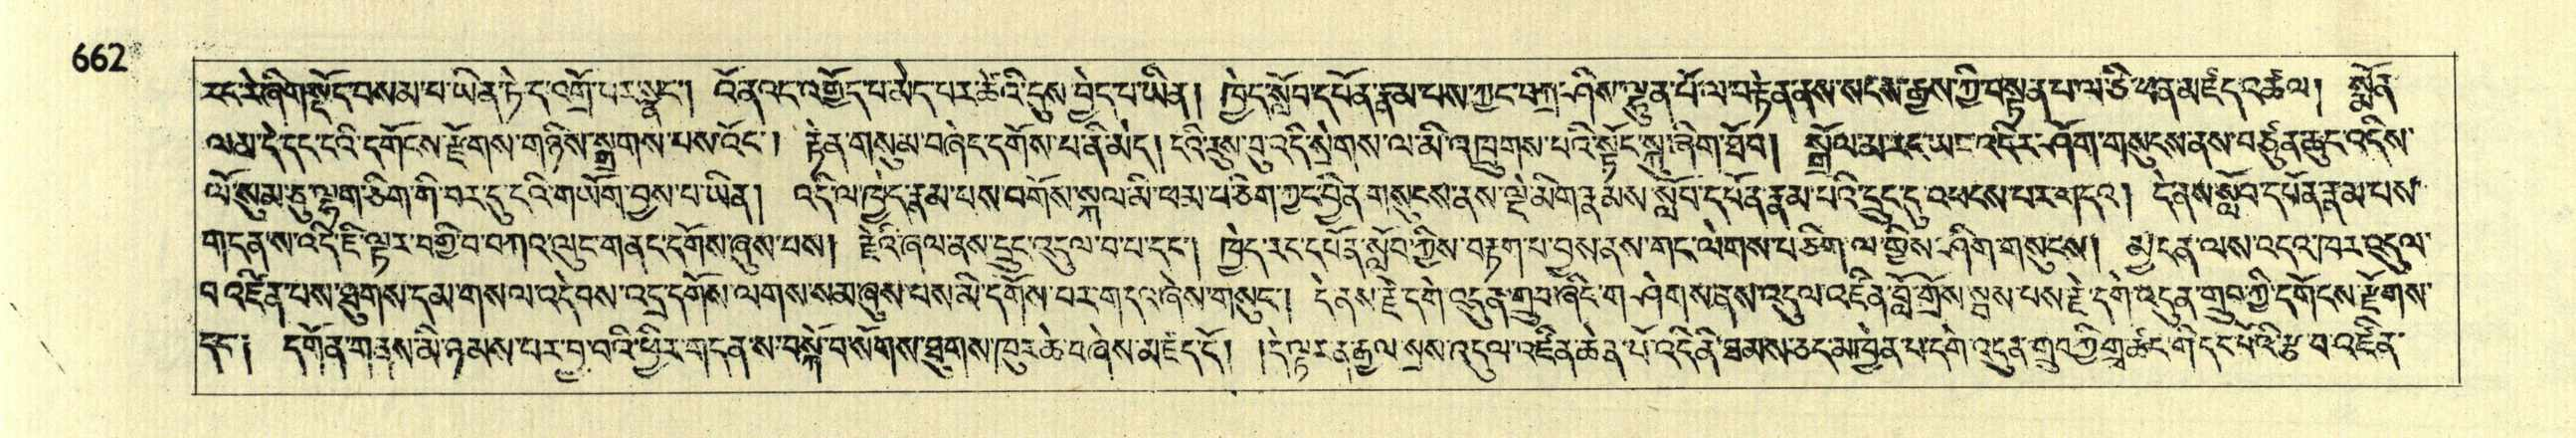རང་རེ་ཞིག་སྡོད་བསམ་པ་ཡིན་ཏེ་ད་འགྲོ་པར་སྣང་། འོན་ནའང་འགྱོད་པ་མེད་པར་ཚེའི་དུས་བྱེད་པ་ཡིན། ཁྱེད་སློབ་དཔོན་རྣམ་པས་ཀྱང་བཀྲ་ཤིས་ལྷུན་པོ་ལ་བརྟེན་ནས་སངས་རྒྱས་ཀྱི་བསྟན་པ་ལ་ཅི་ཕན་མཛད་འཚལ། སྨོན་
ལམ་དེ་དང་ངའི་དགོངས་རྫོགས་གཉིས་སྒྲགས་པས་འོང་། རྟེན་གསུམ་བཞེད་དགོས་པ་ནི་མེད། ངའི་རུས་བུ་འདི་སྲེགས་ལ་མི་འཁྲུགས་པའི་སྟོང་སྐུ་ཞིག་ཐོབ། སྒྲོལ་མ་རང་ཡང་འདིར་ཤོག་གསུངས་ནས་བཙུན་ཆུང་འདིས་
ལོ་སུམ་ཅུ་ལྷག་ཅིག་གི་བར་དུ་ངའི་གཡོག་བྱས་པ་ཡིན། འདི་ལ་ཁྱེད་རྣམ་པས་བགོས་སྐལ་མི་ཕམ་པ་ཅིག་ཀྱང་བྱིན་གསུངས་ནས་ལྡེ་མིག་རྣམས་སློབ་དཔོན་རྣམ་པའི་དྲུང་དུ་འཕངས་པར་གདའ། དེ་ནས་སློབ་དཔོན་རྣམ་པས་
གདན་ས་འདི་ཇི་ལྟར་བགྱི་བ་བཀའ་ལུང་གནང་དགོས་ཞུས་པས། རྗེའི་ཞལ་ནས་དྲུང་འདུལ་བ་པ་དང་། ཁྱེད་རང་དཔོན་སློབ་ཀྱིས་བརྟག་པ་བྱས་ནས་གང་ལེགས་པ་ཅིག་ལ་གྱིས་ཤིག་གསུངས། མྱ་ངན་ལས་འདའ་ཁར་འདུལ་
བ་འཛིན་པས་ཐུགས་དམ་གསལ་འདེབས་འདྲ་དགོས་ལགས་སམ་ཞུས་པས་མི་དགོས་བར་གདའ་ཞེས་གསུང་། དེ་ནས་རྗེ་དགེ་འདུན་གྲུབ་ཞིང་གཤེགས་ནས་འདུལ་འཛིན་བློ་གྲོས་སྦས་པས་རྗེ་དགེ་འདུན་གྲུབ་ཀྱི་དགོངས་རྫོགས་
དང༑ དགོན་གནས་མི་ཉམས་པར་བྱ་བའི་ཕྱིར་གདན་ས་བསྐོ་བ་སོགས་ཐུགས་ཁུར་ཆེ་བ་ཞེས་མཛད་དོ། །དེ་ལྟར་ན་རྒྱལ་སྲས་འདུལ་འཛིན་ཆེན་པོ་འདི་ནི་ཐམས་ཅད་མཁྱེན་པ་དགེ་འདུན་གྲུབ་ཀྱི་གྲྭ་ཚང་གི་དང་པོའི་རྩ་བ་འཛིན་